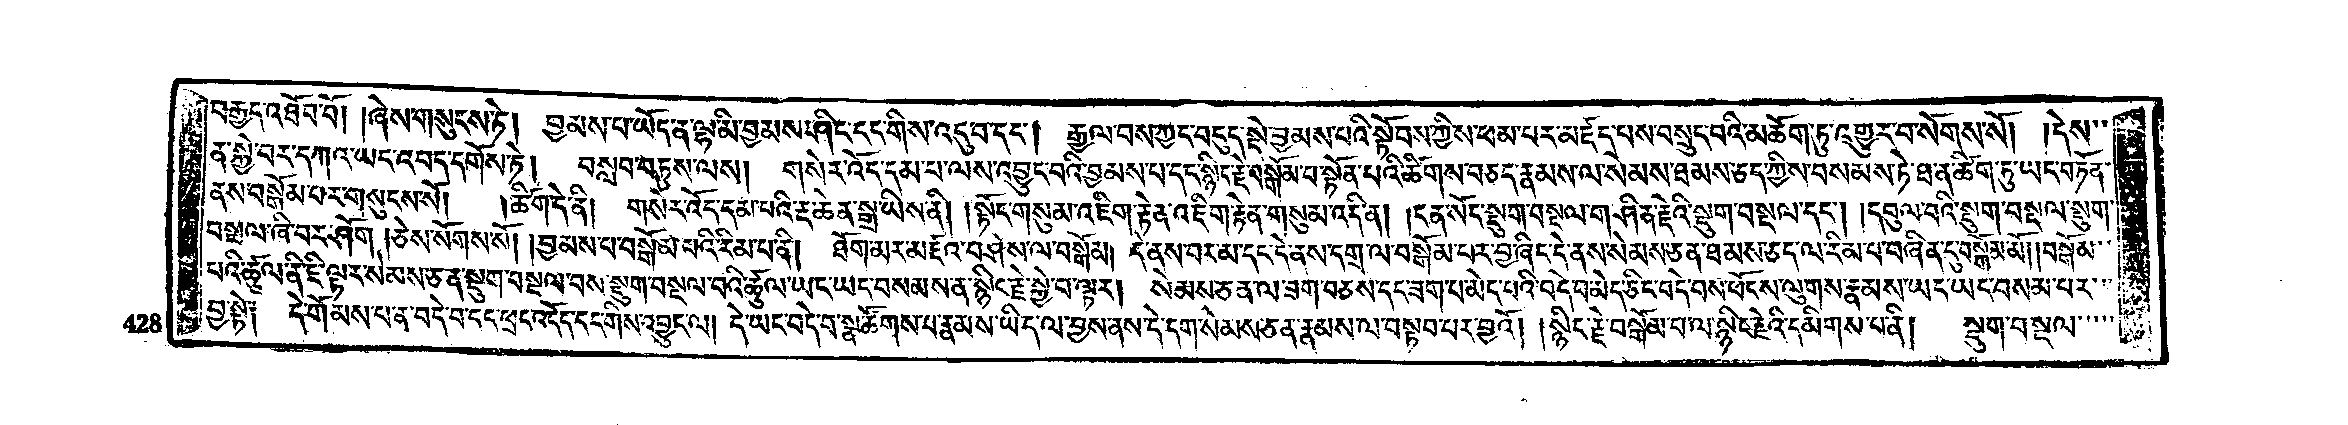བརྒྱད་འཐོབ་བོ། །ཞེས་གསུངས་ཏེ། བྱམས་པ་ཡོད་ན་ལྷ་མི་བྱམས་ཤིང་ངང་གིས་འདུ་བ་དང་། རྒྱལ་བས་ཀྱང་བདུད་སྡེ་བྱམས་པའི་སྟོབས་ཀྱིས་ཕམ་པར་མཛད་པས་བསྲུང་བའི་མཆོག་ཏུ་འགྱུར་བ་སོགས་སོ། །དེས་
ན་སྐྱེ་བར་དཀའ་ཡང་འབད་དགོས་ཏེ། བསླབ་བཏུས་ལས། གསེར་འོད་དམ་པ་ལས་འབྱུང་བའི་བྱམས་པ་དང་སྙིང་རྗེ་བསྒོམ་པ་སྟོན་པའི་ཚིགས་བཅད་རྣམས་ལ་སེམས་ཐམས་ཅད་ཀྱིས་བསམས་ཏེ་ཐ་ན་ཚིག་ཏུ་ཡང་བཏོན་
ནས་བསྒོམ་པར་གསུངས་སོ། །ཚིག་དེ་ནི། གསེར་འོད་དམ་པའི་རྔ་ཆེན་སྒྲ་ཡིས་ནི། །སྟོང་གསུམ་འཇིག་རྟེན་འཇིག་རྟེན་གསུམ་འདི་ན། །ངན་སོང་སྡུག་བསྔལ་གཤིན་རྗེའི་སྡུག་བསྔལ་དང་། །དབུལ་བའི་སྡུག་བསྔལ་སྡུག་
བསྔལ་ཞི་བར་ཤོག །ཅེས་སོགས་སོ། །བྱམས་པ་བསྒོམ་པའི་རིམ་པ་ནི། ཐོག་མར་མཛའ་བཤེས་ལ་བསྒོམ། དེ་ནས་བར་མ་དང་དེ་ནས་དགྲ་ལ་བསྒོམ་པར་བྱ་ཞིང་དེ་ནས་སེམས་ཅན་ཐམས་ཅད་ལ་རིམ་པ་བཞིན་དུ་བསྒོམ་མོ། །བསྒོམ་
བའི་ཚུལ་ནི་ཇི་ལྟར་སེམས་ཅན་སྡུག་བསྔལ་བས་སྡུག་བསྔལ་བའི་ཚུལ་ཡང་ཡང་བསམས་ན་སྙིང་རྗེ་སྐྱེ་བ་ལྟར། སེམས་ཅན་ལ་ཟག་བཅས་དང་ཟག་པ་མེད་པའི་བདེ་བ་མེད་ཅིང་བདེ་བས་ཕོངས་ལུགས་རྣམས་ཡང་ཡང་བསམ་པར་
བྱ་སྟེ༑ དེ་གོམས་པ་ན་བདེ་བ་དང་ཕྲད་འདོད་ངང་གིས་འབྱུང་ལ། དེ་ཡང་བདེ་བ་སྣ་ཚོགས་པ་རྣམས་ཡིད་ལ་བྱས་ནས་དེ་དག་སེམས་ཅན་རྣམས་ལ་བསྟབ་པར་བྱའོ། །སྙིང་རྗེ་བསྒོམ་པ་ལ་སྙིང་རྗེའི་དམིགས་པ་ནི། སྡུག་བསྔལ་